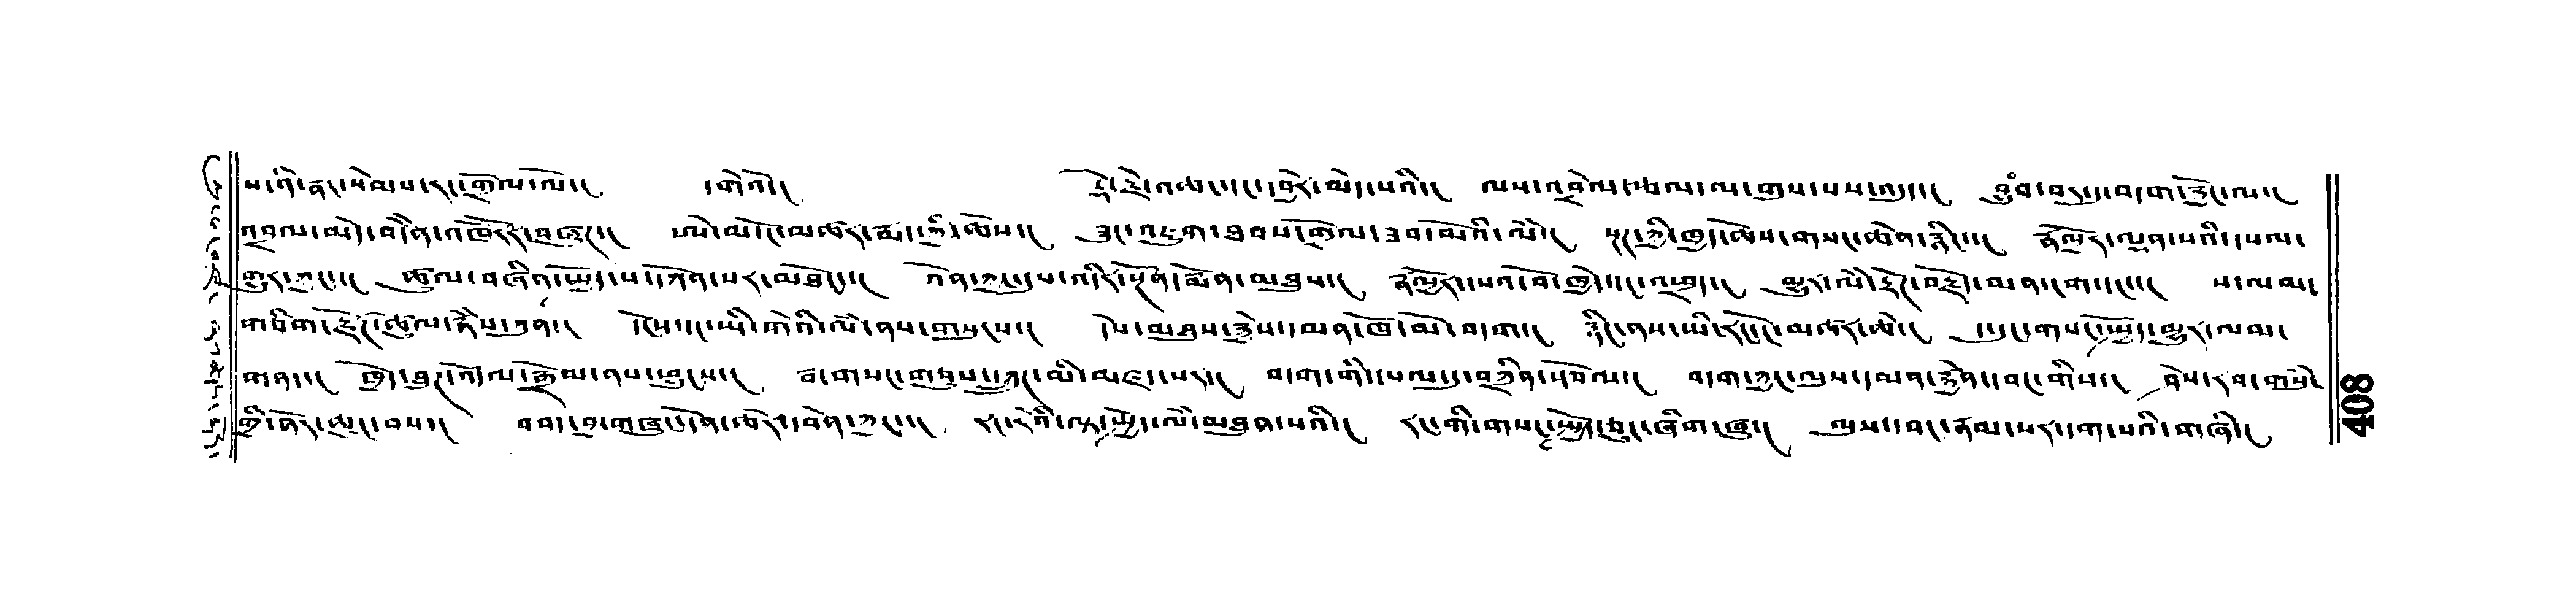པ་ནི་སྣང་སེམས་རང་གྲོལ་ལོ།། དགེའོ།། རྡོ་རྗེ་འཆང་དང་དབྱེར་མེད་པའི། །ལས་འབྲེལ་རྩལ་ལ་གུས་པས་འདུད། །བྱང་ཆུབ་བར་དུ་བདག་སྐྱོང་ལ། །
འབྲལ་མེད་བདེ་ཆེན་འཁོར་ལོར་བཞུགས། །ཨེ་མ་ངོ་མཚར་རྨད་ཀྱི་ཆོས། །ཟུར་འཇུག་ཐབས་གྲོལ་ཟབ་མོའི་ལམ། །སྔགས་ཀྱི་ཁྱད་ཆོས་གསང་ཆེན་སྙིང་། །རྣལ་འབྱོར་ལྡན་པའི་དཔལ་
གྱུར་ཀྱང་། །ཚུལ་བཞིན་སྤྱོད་པ་དཀོན་པར་མཐོང་། །འོན་ཀྱང་དུས་འདིར་སྔོན་སྨོན་མཐུས། །རྣལ་འབྱོར་དཔའ་བོ་ཁྱེད་དང་འཕྲད། །མྱུར་ལམ་རྟོགས་བརྗོད་མན་ངག་དང་། །ས་ལམ་
གཅིག་རྫོགས་ཚུལ་རྣམས་ཀུན། །དངོས་དང་ཡི་གེའི་ལམ་ནས་གསུངས། །དེས་མཐུས་སྐྱེས་དམན་ཁོ་མོ་བདག །སྙིང་ནས་ཡི་རང་ངོ་མཚར་ཆེ། །ད་དུང་གསང་སྤྱོད་མྱུར་ལམ་
གནད། ཁྱོད་ཐུགས་འོད་གསལ་སྒྲོམ་ནས་ཕྱུངས། །སྦ་གསང་གཅུས་དཀྲུགས་མི་མཛད་པར། བདག་གི་དཔལ་དུ་བཀའ་དྲིན་སྩོལ། །བདག་ཀྱང་ལུས་དམན་རྐྱེན་དབང་གིས། །ཤེས་རབ་གསུམ་
གྱི་ནོར་ཆུང་བས། །བཤད་བྱ་གཞུང་དོན་ཆེར་དབེན་ཀྱང་། །རང་རེའི་ལྟ་སྤྱོད་ལམ་མཐུན་པའི། །རང་གི་གསང་སྤྱོད་ཅུང་ཞིག་ཞུ། །ལུས་དབང་རྣམ་པར་དག་པའི་གཞི།